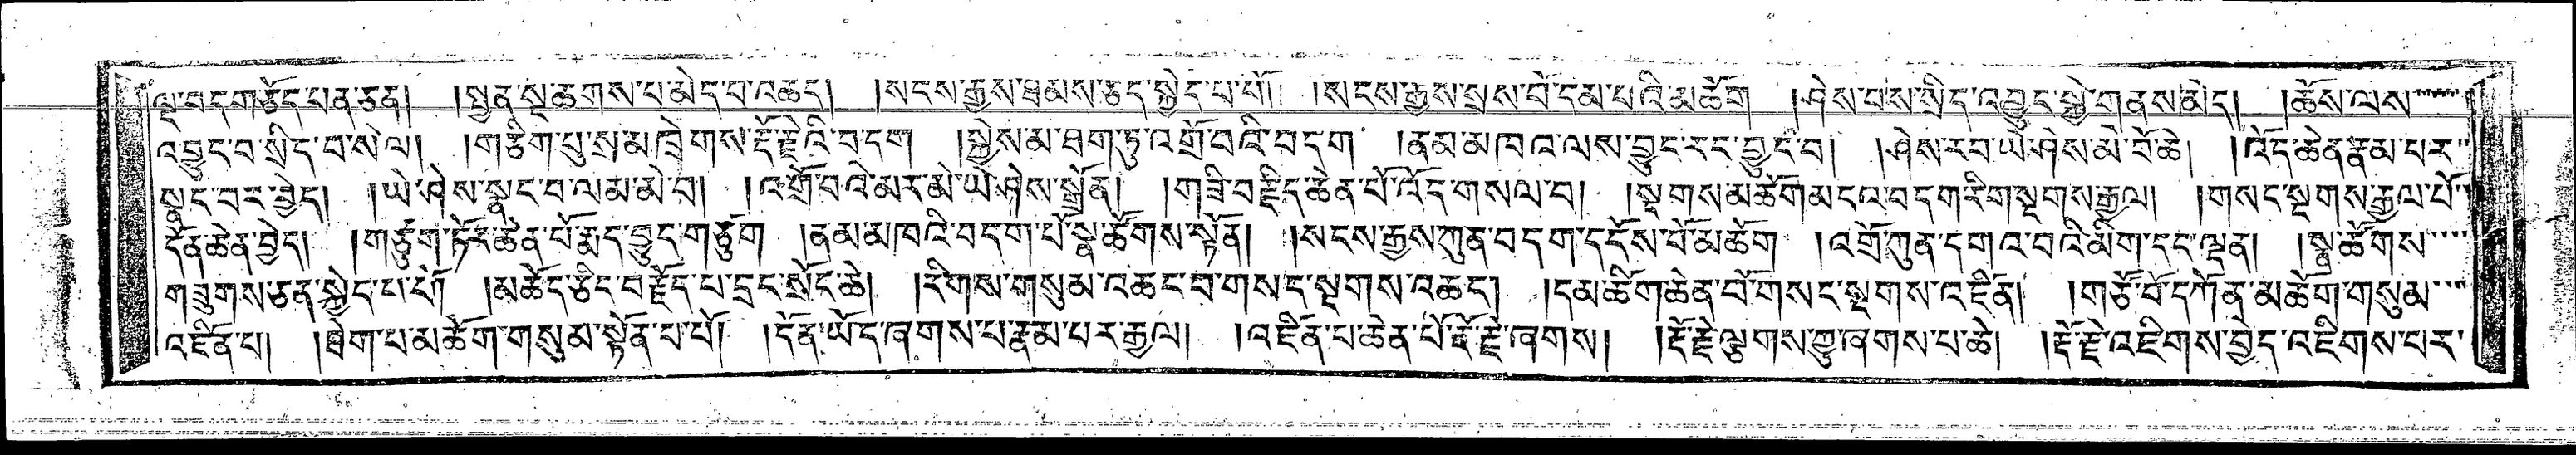ལྔ་བདག་ཅོད་པན་ཅན། །སྤྱན་སྔ་ཆགས་པ་མེད་པ་འཆད། །སངས་རྒྱས་ཐམས་ཅད་སྐྱེད་པ་པོ། །སངས་རྒྱས་སྲས་པོ་དམ་པའི་མཆོག །ཤེས་བས་སྲིད་འབྱུང་སྐྱེ་གནས་མེད། །ཆོས་ལས་
འབྱུང་བ་སྲིད་བ་སེལ། །གཅིག་པུ་སྲ་མཁྲེགས་རྡོ་རྗེའི་བདག །སྐྱེས་མ་ཐག་ཏུ་འགྲོ་བའི་བདག །ནམ་མཁའ་ལས་བྱུང་རང་བྱུང་བ། །ཤེས་རབ་ཡེ་ཤེས་མེ་བོ་ཆེ། །འོད་ཆེན་རྣམ་པར་
སྣང་བར་བྱེད། །ཡེ་ཤེས་སྣང་བ་ལམ་མེ་བ། །འགྲོ་བའི་མར་མེ་ཡེ་ཤེས་སྒྲོན། །གཟི་བརྗིད་ཆེན་པོ་འོད་གསལ་བ། །སྔགས་མཆོག་མངའ་བདག་རིག་སྔགས་རྒྱལ། །གསང་སྔགས་རྒྱལ་པོ་
དོན་ཆེན་བྱེད། །གཙུག་ཏོར་ཆེན་པོ་རྨད་བྱུང་གཙུག །ནམ་མཁའི་བདག་པོ་སྣ་ཚོགས་སྟོན། །སངས་རྒྱས་ཀུན་བདག་དངོས་པོ་མཆོག །འགྲོ་ཀུན་དགའ་བའི་མིག་དང་ལྡན། །སྣ་ཚོགས་
གཟུགས་ཅན་སྐྱེད་པ་པོ། །མཆོད་ཅིང་བརྗོད་པ་དྲང་སྲོང་ཆེ། །རིགས་གསུམ་འཆང་བ་གསང་སྔགས་འཆང་། །དམ་ཚིག་ཆེན་པོ་གསང་སྔགས་འཛིན། །གཙོ་བོ་དཀོན་མཆོག་གསུམ་
འཛིན་པ། །ཐེག་པ་མཆོག་གསུམ་སྟོན་པ་པོ། །དོན་ཡོད་ཞགས་པ་རྣམ་པར་རྒྱལ། །འཛིན་པ་ཆེན་པོ་རྡོ་རྗེ་ཞགས། །རྡོ་རྗེ་ལྕགས་ཀྱུ་ཞགས་པ་ཆེ། །རྡོ་རྗེ་འཇིགས་བྱེད་འཇིགས་པར་